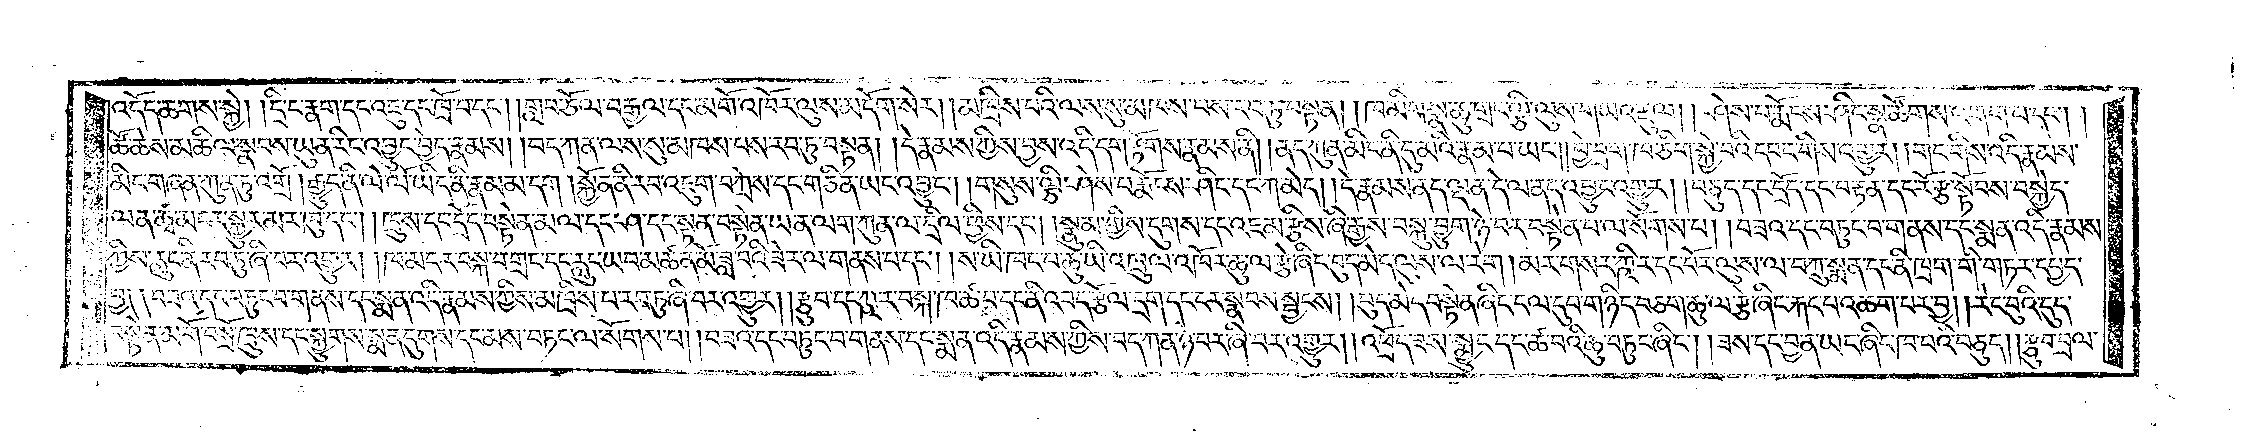འདོད་ཆགས་སྐྱེ། །དྲི་ང་རྣག་དང་འཇུ་དང་ཁྲོ་བ་དང་། །གླབ་ཅོལ་བརྒྱལ་དང་མགོ་འཁོར་ལུས་མདོག་སེར། །མཁྲིས་པའི་ལས་སུ་མཁས་པས་རབ་ཏུ་བསྟན། །ཁ་མིག་སྣ་ཆུ་གྲང་ལྕི་ལུས་གཡའ་རྡུལ།། ཤེས་པ་རྨོངས་ཤིང་སྣ་ཚོགས་འགག་པ་དང་། །
ཚོ་ཆེས་མཆིལ་སྣབས་ཡུན་རིང་འབྱུང་བྱེད་རྣམས། །བད་ཀན་ལས་སུ་མཁས་པས་རབ་ཏུ་བསྟན། །དེ་རྣམས་ཀྱིས་བྱས་འདི་དག་རྟོགས་རྣམས་ནི། །ནད་ཀུན་མིང་ནི་དུ་མའི་རྣམ་པ་ཡང་། །བྱེ་བྲག་ཁ་ཅིག་སྐྱེ་བའི་དབང་གིས་འགྱུར། །གང་གིས་འདི་རྣམས་
མིང་གཞན་ཀུན་ཏུ་འགྲོ་།རྒྱུད་ནི་ལེ་ལོ་ཡིད་ནི་རྣམ་མ་དག །སྐྱོན་ནི་རབ་འཇུག་བཀྲེས་དང་གཅིན་ཡང་འབྱུང་། །གསུས་ལྕི་ཤེས་པ་རྨོངས་ཤིང་དང་ཀ་མེད། །དེ་རྣམས་ནད་ལྡན་དེ་ལ་ནད་འབྱུང་འགྱུར། །བཅུད་དང་དྲོད་དང་བརྟན་དང་རོ་རྩ་སྟོབས་བསྐྱེད་
ལན་ཚྭ་མངར་སྐྱུར་མར་ཁུ་དང་། །ཁྲུས་དང་དྲོད་བསྟེན་མལ་དང་ཤ་དང་སྟན་བསྟེན་ཡན་ལག་ཀུན་ལ་དྲིལ་ཕྱིས་དང་། །སྣུམ་གྱིས་དུགས་དང་འཇམ་རྩིས་ཞི་རྒྱས་བསྐུ་བྱུག་ཉེ་བར་བསྟེན་པ་ལ་སོགས་པ། །བཟའ་དང་བཏུང་བ་གནས་དང་སྨན་འདི་རྣམས་
ཀྱིས་རླུང་ནི་རབ་ཏུ་ཞི་བར་འགྱུར། །ཁ་མངར་བསྐ་བ་གྲང་དང་རླུང་ཡབ་མཚན་མོ་ཟླ་བའི་ཟེར་ལ་གནས་པ་དང་། །ས་ཡི་ཁང་པ་ཆུ་ཡི་འཁྲུལ་འཁོར་ཆུ་ལ་རྩེ་ཞིང་བུད་མེད་ལུས་ལ་རེག །མར་གསར་ཀྵི་ར་དང་པོར་ལུས་ལ་བཀྲུ་སྨན་དང་ནི་ཁྲག་གི་གཏར་དཔྱད་
བྱ༑ ༑བཟའ་དང་བཏུང་བ་གནས་དང་སྨན་འདི་རྣམས་ཀྱིས་མཁྲིས་པ་རབ་ཏུ་ཞི་བར་འགྱུར། །རྩུབ་དང་ཀྵ་ར་བསྐ་ཁ་ཚ་བ་དང་ནི་འབད་རྩོལ་དྲག་དང་ངར་སྣབས་སྦྱངས། །བུད་མེད་བསྟེན་ཞིང་ངལ་དུབ་གཉིད་བཅག་ཆུ་ལ་རྩེ་ཞིང་རྐང་པ་འཆག་པར་བྱ། །རེང་བུའི་དུད་
བསྟེན་མགོ་བསྲོ་ཁྲུས་དང་སྐྱུགས་སྨན་གདུགས་དང་མས་བཏང་ལ་སོགས་པ། །བཟའ་དང་བཏུང་བ་གནས་དང་སྨན་འདི་རྣམས་ཀྱིས་བད་ཀན་ཉེ་བར་ཞི་བར་འགྱུར། །འཕྲོད་ཟས་སྨྱུང་དང་ཚ་བའི་ཆུ་བཏུང་ཞིང་། །ཟས་དང་བྱ་ན་ཡང་ཞིང་ཁ་བའི་བཅུད། །རྩུབ་བྲལ་